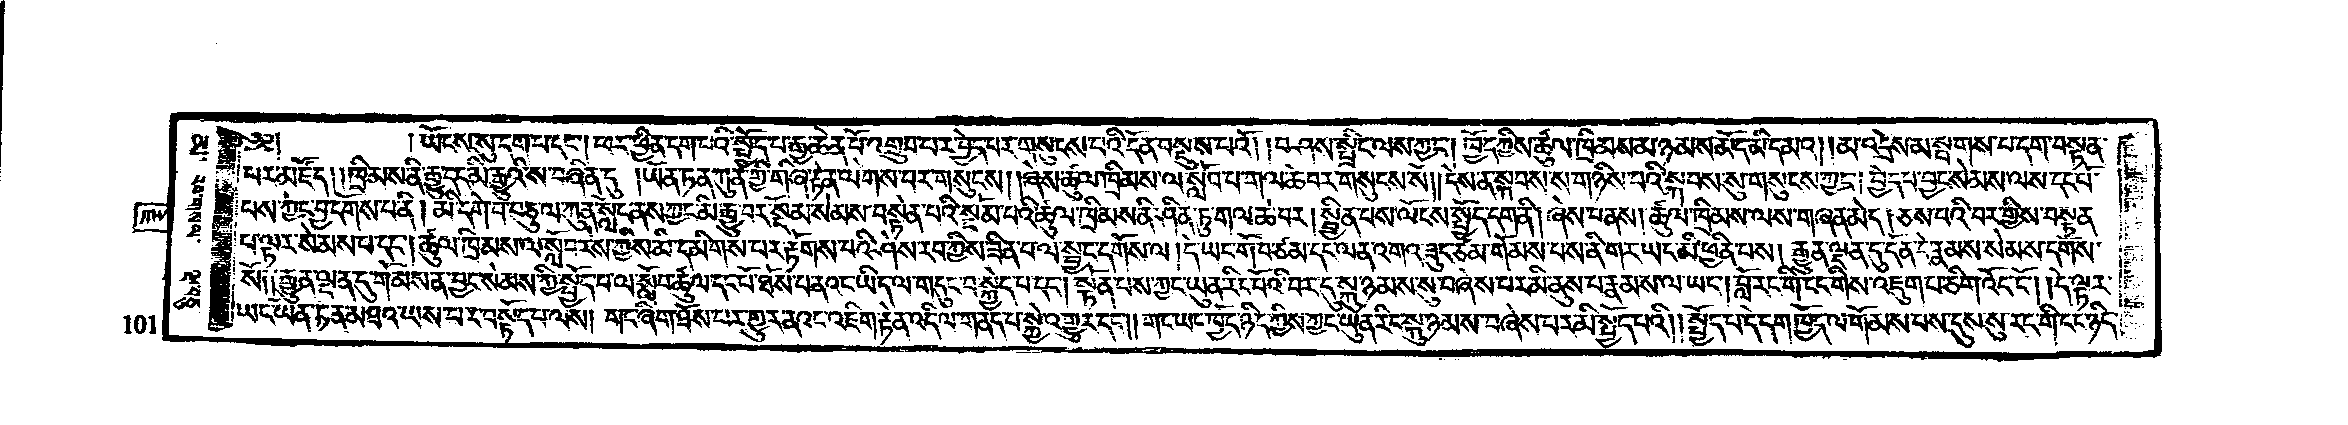༄༅། །ཡོངས་སུ་དག་པ་དང་། ཕར་ཕྱིན་དག་པའི་སྤྱོད་པ་རྒྱ་ཆེན་པོ་འགྲུབ་པར་བྱེད་པར་གསུངས་པའི་དོན་བསྡུས་པའོ། །བཤེས་སྤྲིང་ལས་ཀྱང་། ཁྱོད་ཀྱིས་ཚུལ་ཁྲིམས་མ་ཉམས་མོད་མི་དམའ། །མ་འདྲེས་མ་སྤགས་པ་དག་བསྟེན་
པར་མཛོད། །ཁྲིམས་ནི་རྒྱུ་དང་མི་རྒྱུའི་ས་བཞིན་དུ། ཡོན་ཏན་ཀུན་གྱི་གཞི་རྟེན་ལེགས་པར་གསུངས། །ཞེས་ཚུལ་ཁྲིམས་ལ་སློབ་པ་གལ་ཆེ་བར་གསུངས་སོ། །དེས་ན་སྐབས་ས་གཉིས་པའི་སྐབས་སུ་གསུངས་ཀྱང་། བྱེད་པ་བྱང་སེམས་ལས་དང་པོ་
པས་ཀྱང་བྱ་དགོས་པ་ནི། མི་དགེ་བ་བཅུ་ལ་ཀུན་སློང་ནས་ཀྱང་མི་རྒྱུ་བར་སྡོམ་སེམས་བསྟེན་པའི་སྡོམ་པའི་ཚུལ་ཁྲིམས་ནི་ཤིན་ཏུ་གལ་ཆེ་བར། སྦྱིན་པས་ལོངས་སྤྱོད་དག་ནི། ཞེས་པ་ནས། ཚུལ་ཁྲིམས་ལས་གཞན་མེད། ཅེས་པའི་བར་གྱིས་བསྟན་
པ་ལྟར་སེམས་པ་དང་། ཚུལ་ཁྲིམས་ལ་སློབ་རེས་ཀྱིས་མི་དམིགས་པར་རྟོགས་པའི་ཤེས་རབ་ཀྱིས་ཟིན་པ་ལ་སྦྱང་དགོས་ལ། དེ་ཡང་གོ་བ་ཙམ་དང་ལན་འགའ་ཟུང་ཙམ་གོམས་པས་ནི་གར་ཡང་མི་ཕྱིན་པས། རྒྱུན་ལྡན་དུ་དོན་དེ་རྣམས་སེམས་དགོས་
སོ། །རྒྱུན་ལྡན་དུ་གོམས་ན་བྱང་སེམས་ཀྱི་སྤྱོད་པ་ལ་སློབ་ཚུལ་དང་པོ་ཐོས་པ་ནའང་ཡིད་ལ་གདུང་བ་སྐྱེད་པ་དང་། སྟོན་པས་ཀྱང་ཡུན་རིང་པོའི་བར་དུ་སྐུ་ཉམས་སུ་བཞེས་པར་མི་ནུས་པ་རྣམས་ལ་ཡང་། བློ་རང་གི་ངང་གིས་འཇུག་པ་ཅིག་འོང་ངོ། །དེ་ལྟར་
ཡང་ཡོན་ཏན་མཐའ་ཡས་པར་བསྟོད་པ་ལས། གང་ཞིག་ཐོས་པར་གྱུར་ནའང་འཇིག་རྟེན་འདི་ལ་གནད་པ་སྐྱེ་འགྱུར་དང་། །གང་ཡང་ཁྱོད་ཉིད་ཀྱིས་ཀྱང་ཡུན་རིང་སྐུ་ཉམས་བཞེས་པར་མི་སྤྱོད་པའི། །སྤྱོད་པ་དེ་དག་ཁྱོད་ལ་གོམས་པས་དུས་སུ་རང་གི་ངང་ཉིད་